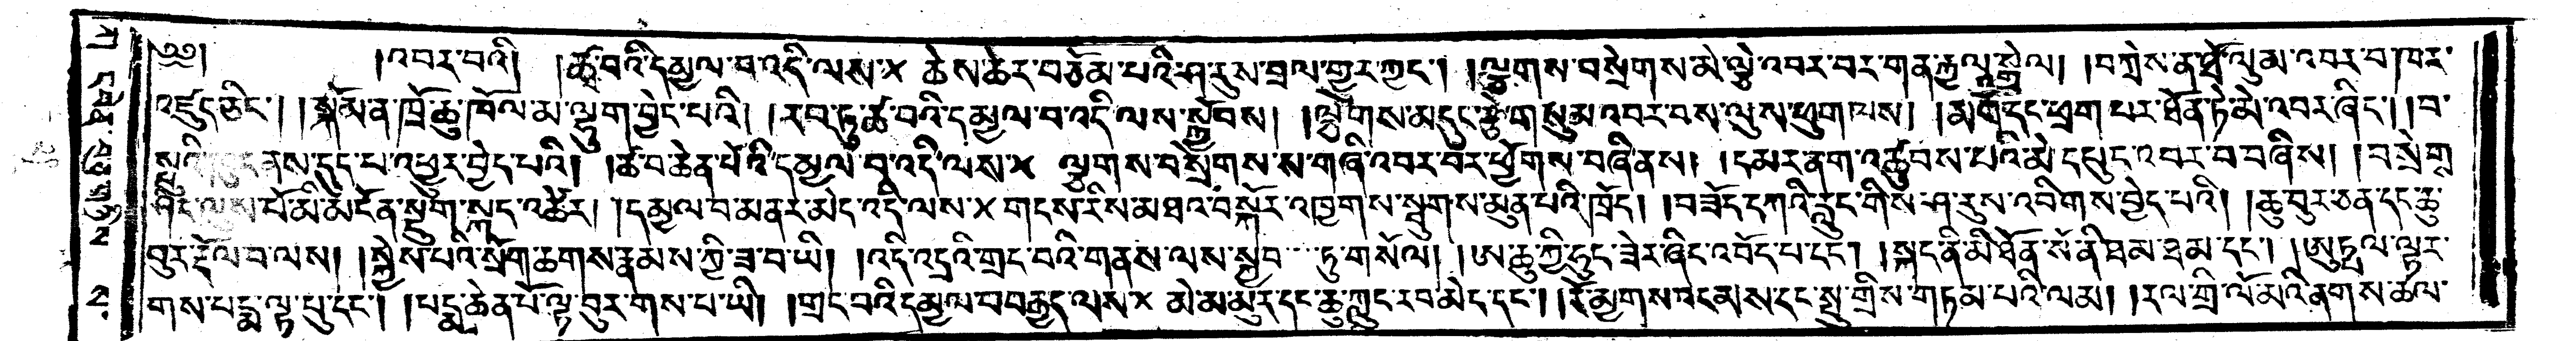༄༅། །འབར་བའི། །ཚྭ་བའི་དམྱལ་བ་འདི་ལས་྾་ཆེས་ཆེར་བཅོམ་པའི་ཤ་རུས་བྲལ་གྱུར་ཀྱང་། །ལྕགས་བསྲེགས་མེ་ལྕེ་འབར་བར་གན་རྐྱལ་སྒྲེལ། །བཀྲེས་ན་ཐོ་ལུམ་འབར་བ་ཁར་
འཛུད་ཅིང་། །སྐོམ་ན་ཁྲོ་ཆུ་ཁོལ་མ་ལྷུག་བྱེད་པའི། །རབ་ཏུ་ཚ་བའི་དམྱལ་བ་འདི་ལས་སྐྱོབས། །ལྕགས་མདུང་རྩེ་གསུམ་འབར་བས་ལུས་ཕུག་ལས། །མགོ་དང་ཕྲག་པར་ཐོན་ཏེ་མེ་འབར་ཞིང་། །བ་
སྤུའི་ཁུང་ནས་དུད་པ་འཕྱུར་བྱེད་པའི། །ཚ་བ་ཆེན་པོའི་དམྱལ་བ་འདི་ལས་྾་ལྕགས་བསྲེགས་ས་གཞི་འབར་བར་ཕྱོགས་བཞི་ནས། །དམར་ནག་འཚུབས་པའི་མེ་དཔུང་འབར་བ་བཞིས། །བསྲེགས་
ཤིང་ལུས་པོ་མི་མངོན་སྡུག་སྐད་འཚེར། །དམྱལ་བ་མནར་མེད་འདི་ལས་྾་གངས་རིས་མཐའ་བསྐོར་འཁྱགས་སྦུགས་མུན་པའི་ཁྲོད། །བཟོད་དཀའི་རླུང་གིས་ཤ་རུས་འབིགས་བྱེད་པའི། །ཆུ་བུར་ཅན་དང་ཆུ་
བུར་རྡོལ་བ་ལས། །སྐྱེས་པའི་སྲོག་ཆགས་རྣམས་ཀྱི་ཟ་བ་ཡི། །འདི་འདྲའི་གྲང་བའི་གནས་ལས་སྐྱབ་ཏུ་གསོལ། །ཨ་ཆུ་ཀྱི་ཧུང་ཟེར་ཞིང་འབོད་པ་དང་། །སྐད་ནི་མི་ཐོན་སོ་ནི་ཐམ་ཐམ་དང་། །ཨུཏྤལ་ལྟར་
གས་པདམ་ལྟ་པུ་དང་། །པདམ་ཆེན་པོ་ལྟ་བུར་གས་པ་ཡི། །གྲང་བའི་དམྱལ་བ་བརྒྱད་ལས་྾་མེ་མ་མུར་དང་ཆུ་ཀླུང་རབ་མེད་དང་། །རོ་མྱགས་འདམས་དང་སྤུ་གྲིས་གཏམ་པའི་ལམ། །རལ་གྲི་ལོ་མའི་ནགས་ཚལ་